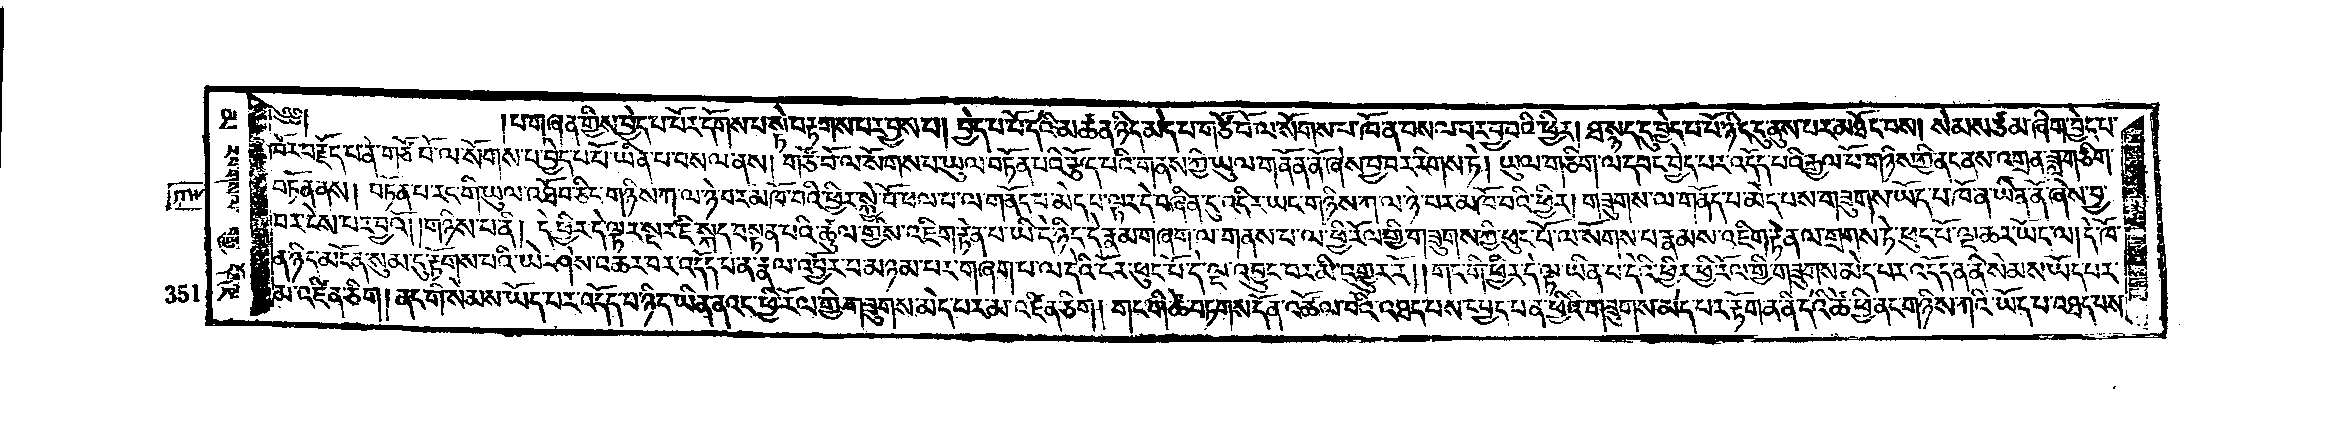༄༅། །པ་གཞན་གྱིས་བྱེད་པ་པོར་དོགས་པ་སྟེ་བརྟགས་པར་བྱས་པ། བྱེད་པ་པོ་དེའི་མཚན་ཉིད་མེད་པ་གཙོ་བོ་ལ་སོགས་པ་ཁོ་ན་བསལ་བར་བྱ་བའི་ཕྱིར། ཐ་སྙད་དུ་བྱེད་པ་པོ་ཉིད་དུ་ནུས་པར་མཐོང་བས། སེམས་ཙམ་ཞིག་བྱེད་པ་
པོར་བརྗོད་པ་ན་གཙོ་བོ་ལ་སོགས་པ་བྱེད་པ་པོ་ཡིན་པ་བསལ་ནས། གཙོ་བོ་ལ་སོགས་པ་ཡུལ་བཏོན་པའི་རྩོད་པའི་གནས་ཀྱི་ཡུལ་གནོན་ནོ་ཞེས་བྱ་བར་རིགས་ཏེ། ཡུལ་གཅིག་ལ་དབང་བྱེད་པར་འདོད་པའི་རྒྱལ་པོ་གཉིས་ཀྱི་ནང་ནས་འགྲན་ཟླ་གཅིག་
བཏོན་ནས། བཏོན་པ་རང་གི་ཡུལ་འཐོབ་ཅིང་གཉིས་ཀ་ལ་ཉེ་བར་མཁོ་བའི་ཕྱིར་སྐྱེ་བོ་ཕལ་པ་ལ་གནོད་པ་མེད་པ་ལྟར་དེ་བཞིན་དུ་འདིར་ཡང་གཉིས་ཀ་ལ་ཉེ་བར་མཁོ་བའི་ཕྱིར། གཟུགས་ལ་གནོད་པ་མེད་པས་གཟུགས་ཡོད་པ་ཁོ་ན་ཡིན་ནོ་ཞེས་བྱ་
བར་ངེས་པར་བྱའོ། །གཉིས་པ་ནི། དེ་ཕྱིར་དེ་ལྟར་སྔར་ཇི་སྐད་བསྟན་པའི་ཚུལ་གྱིས་འཇིག་རྟེན་པ་ཡི་དེ་ཉིད་དེ་རྣམ་གཞག་ལ་གནས་པ་ལ་ཕྱི་རོལ་གྱི་གཟུགས་ཀྱི་ཕུང་པོ་ལ་སོགས་པ་རྣམས་འཇིག་རྟེན་ལ་གྲགས་ཏེ་ཕུང་པོ་ལྔ་ཆར་ཡོད་ལ། དེ་ཁོ་
ན་ཉིད་མངོན་སུམ་དུ་རྟོགས་པའི་ཡེ་ཤེས་འཆར་བར་འདོད་པ་ན་རྣལ་འབྱོར་པ་མཉམ་པར་གཞག་པ་ལ་དེའི་ངོར་ཕུང་པོ་དེ་ལྔ་འབྱུང་བར་མི་འགྱུར་རོ། །གང་གི་ཕྱིར་དེ་ལྟ་ཡིན་པ་དེའི་ཕྱིར་ཕྱི་རོལ་གྱི་གཟུགས་མེད་པར་འདོད་ན་ནི་སེམས་ཡོད་པར་
མ་འཛིན་ཅིག །ནང་གི་སེམས་ཡོད་པར་འདོད་པ་ཉིད་ཡིན་ནའང་ཕྱི་རོལ་གྱི་གཟུགས་མེད་པར་མ་འཛིན་ཅིག །གང་གི་ཚེ་བཏགས་དོན་འཚོལ་བའི་འཐད་པས་དཔྱད་པ་ན་ཕྱིའི་གཟུགས་མེད་པར་རྟོག་ན་ནི་དེའི་ཚེ་ཕྱི་ནང་གཉིས་ཀའི་ཡོད་པ་འཐད་པས་